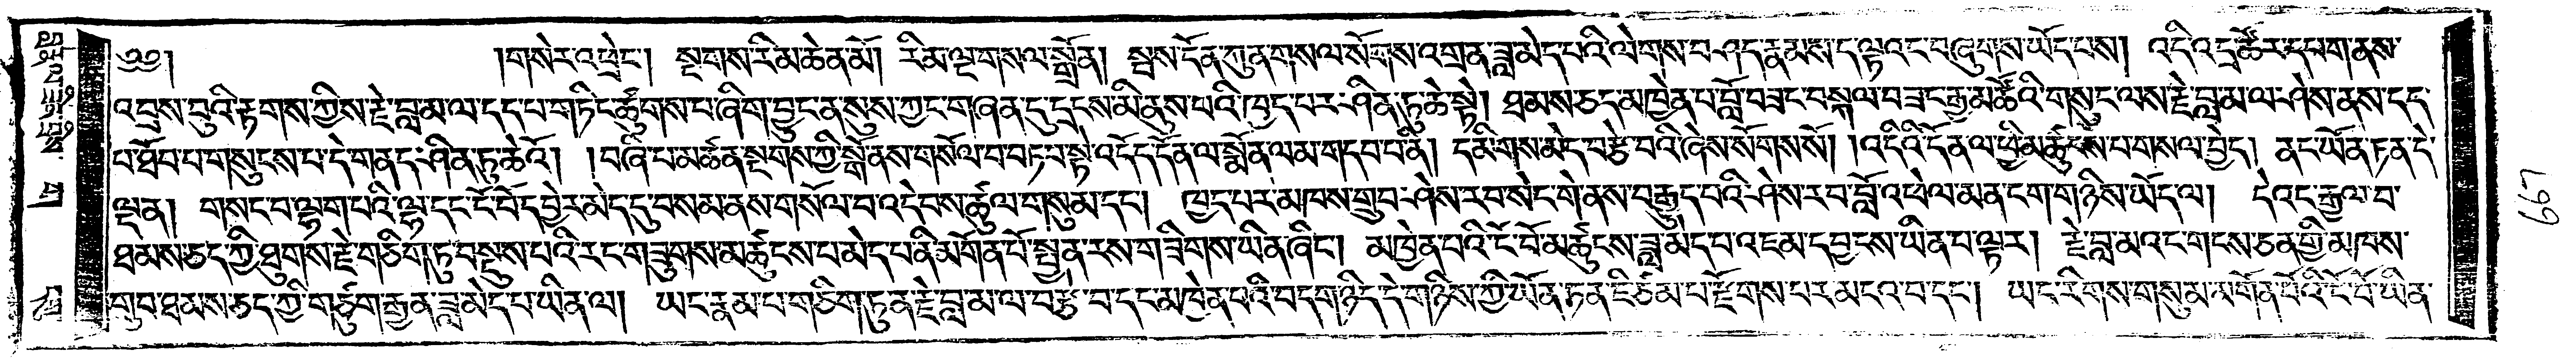༄༅། །གསེར་འཕྲེང་། སྔགས་རིམ་ཆེན་མོ། རིམ་ལྔ་གསལ་སྒྲོན། སྦས་དོན་ཀུན་གསལ་སོགས་འགྲན་ཟླ་མེད་པའི་ལེགས་བཤད་རྣམས་ད་ལྟའང་བཞུགས་ཡོད་པས། འདི་འདྲ་ཚོར་དཔག་ནས་
འབྲས་བུའི་རྟགས་ཀྱིས་རྗེ་བླ་མ་ལ་དད་པ་གཏིང་ཚུགས་པ་ཞིག་བྱུང་ན་སུས་ཀྱང་གཞན་དུ་དྲངས་མི་ནུས་པའི་ཁྱད་པར་ཤིན་ཏུ་ཆེ་སྟེ། ཐམས་ཅད་མཁྱེན་པ་བློ་བཟང་བསྐལ་བཟང་རྒྱ་མཚོའི་གསུང་ལས་རྗེ་བླ་མ་ལ་ཤེས་ནས་དད་
པ་ཐོབ་པ་གསུངས་པ་དེ་གནད་ཤིན་ཏུ་ཆེའོ། །བཞི་པ་མཚན་སྔགས་ཀྱི་སྒོ་ནས་གསོལ་བ་བཏབ་སྟེ་འདོད་དོན་ལ་སྨོན་ལམ་གདབ་པ་ནི། དམིགས་མེད་བརྩེ་བའི་ཞེས་སོགས་སོ། །འདིའི་དོན་ལ་ཕྱི་མཚུངས་པ་གསལ་བྱེད། ནང་ཡོན་ཏན་དེ་
ལྡན། གསང་བ་ལྷག་པའི་ལྷ་དང་ངོ་བོད་བྱེར་མེད་དུ་བསམ་ནས་གསོལ་བ་འདེབས་ཚུལ་གསུམ་དང་། ཁྱད་པར་མཁས་གྲུབ་ཤེས་རབ་སེང་གེ་ནས་བརྒྱུད་པའི་ཤེས་རབ་བློ་འཕེལ་མན་ངག་གཉིས་ཡོད་ལ། དེའང་རྒྱལ་བ་
ཐམས་ཅད་ཀྱི་ཐུགས་རྗེ་གཅིག་ཏུ་བསྡུས་པའི་རང་གཟུགས་མཚུངས་པ་མེད་པ་ནི་མགོན་པོ་སྤྱན་རས་གཟིགས་ཡིན་ཞིང་། མཁྱེན་པའི་ངོ་བོ་མཚུངས་ཟླ་མེད་པ་འཇམ་དབྱངས་ཡིན་པ་ལྟར། རྗེ་བླ་མའང་གངས་ཅན་གྱི་མཁས་
གྲུབ་ཐམས་ཅད་ཀྱི་གཙུག་རྒྱན་ཟླ་མེད་པ་ཡིན་ལ། ཡང་རྣམ་པ་གཅིག་ཏུ་ན་རྗེ་བླ་མ་ལ་བརྩེ་བ་དང་མཁྱེན་པའི་བདག་ཉིད་དེ་གཉིས་ཀྱི་ཡོན་ཏན་ཇི་ཙམ་པ་རྫོགས་པར་མངའ་བ་དང་། ཡང་རིགས་གསུམ་མགོན་པོའི་ངོ་བོ་ཡིན་